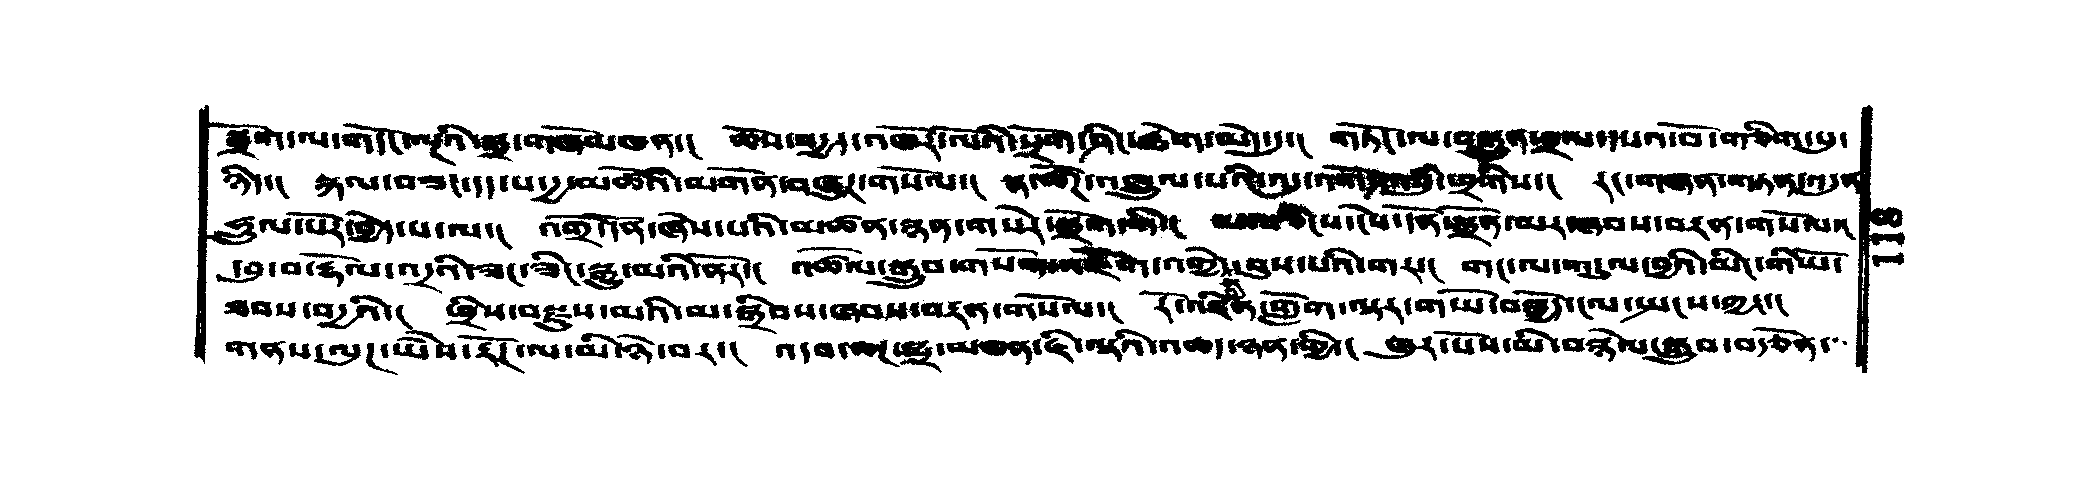སྒྲོག་ལ་གདོང་ལྔའི་སྒྲ་གཞོམ་མཁན། །ཆོས་བརྒྱད་འཁོར་ལོའི་སྲོག་ཤིང་རྨིང་མེད་དུ། །གཏོང་ལ་བསྒྲུན་བྲལ་དཔའ་བོ་གཅིག་པུ་
ཉིད། །སྐལ་བཟང་དད་པ་རྒྱ་མཆོའི་མགོན་བཞུགས་གསོལ། །སྣ་ཚོགས་འཁྲུལ་པའི་འདུ་འགོད་འབུམ་ཕྲག་གིས། །རང་གཞན་གཏན་འདུན་
ཧྲུལ་པོར་བྱེད་པ་ལ། །འགྲོ་དོན་ཞེས་པའི་མཚན་སྙན་གསེར་སྒྲོག་གི། །མ་བཅིངས་ངེས་དོན་སྒྲོན་མར་ཞབས་བརྟན་གསོལ། །
དབུ་བ་རྡོལ་འདྲའི་ཟང་ཟིང་སྒྱུ་མའི་ནོར། །འཚོལ་སྒྲུབ་གསོག་འཇོག་འགྱེད་ལ་བུས་པའི་གར། །གང་ལ་གདུལ་བྱའི་མིང་གི་གཡོ་
ཐབས་བརྒྱའི། །ཕྲིན་ལས་བརྫུས་མའི་མ་སྒྲིབས་ཞབས་བརྟན་གསོལ། །རོ་འཛིན་གློག་ལྟར་གཡོ་བསྐྱོད་ངལ་སྤངས་ཀྱང་། 
གནས་ལུགས་ཡེ་ཤེས་རྟོགས་ལ་མི་ཉེ་བར། །འདབ་ཆགས་སྨྲ་མཁན་ཇི་ལྟའི་འཆད་ཉན་གྱི། །ཁུར་པོས་མི་བསྙེལ་སྒྲུབ་བརྩོན་